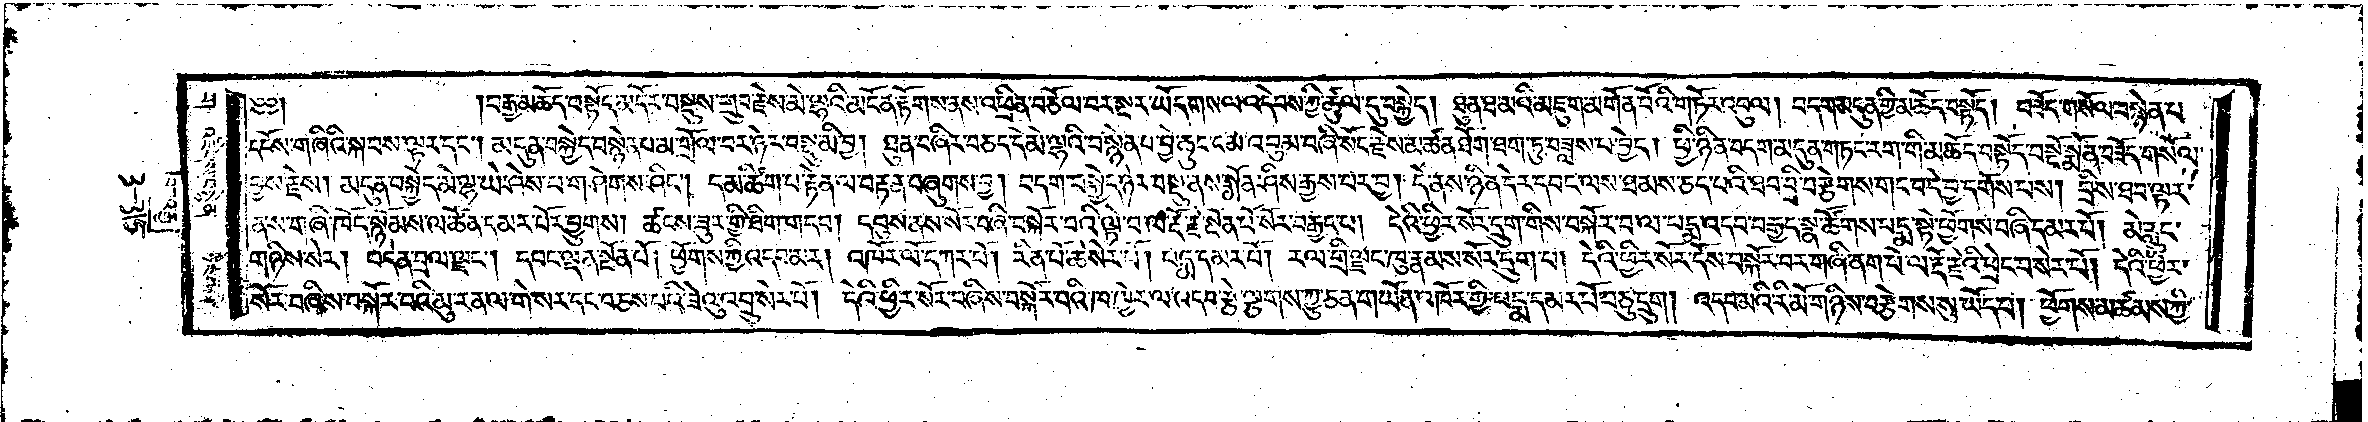༄༅། །བརྒྱ་མཆོད་བསྟོད་མདོར་བསྡུས་གྲུབ་རྗེས་མེ་ལྷའི་མངོན་རྟོགས་ནས་འཕྲིན་བཅོལ་བར་སྔར་ཡོད་གསལ་འདེབས་ཀྱི་ཚུལ་དུ་བསྐྱེད། ཐུན་ཐ་མའི་མཇུག་མགོན་པོའི་གཏོར་འབུམ། བདག་མདུན་གྱི་མཆོད་བསྟོད། བཟོད་གསོལ་བསྙེན་པ་
དངོས་གཞིའི་སྐབས་ལྟར་དང་། མདུན་བསྐྱེད་བསྙེན་པ་མ་གྲོལ་བར་ཉེར་བསྡུ་མི་བྱ། ཐུན་བཞིར་བཅད་དེ་མེ་ལྷའི་བསྙེན་པ་བྱེ་ཆུང་ངམ་འབུམ་བཞི་སོང་རྗེས་མཚན་ཐོག་ཐག་ཏུ་བཟླས་པ་བྱེད། ཕྱི་ཉིན་བདག་མདུན་གཏང་རག་གི་མཆོད་བསྟོད་བསྔོ་སྨོན་བཟོད་གསོལ་
བྱས་རྗེས། མདུན་བསྐྱེད་མེ་ལྷ་ཡེ་ཤེས་པ་གཤེགས་ཤིང་། དམ་ཚིག་པ་རྟེན་ལ་བཞུགས་བྱ། བདག་བསྐྱེད་ཉེར་བསྡུ་ནས་སྨོན་ཤིས་རྒྱས་པར་བྱ། དེ་ནས་ཉིན་དེར་དབང་ལས་ཐམས་ཅད་པའི་ཐབ་བྲི་བརྩེགས་གང་བདེ་བྱ་དགོས་པས། བྲིས་ཐབ་ལྟར་
ནས་གཞི་ཁོད་སྙོམས་ལ་ཚོན་དམར་པོར་བྱུགས། ཚངས་ཟུར་གྱི་ཐིག་གདབ། དབུས་ནས་སོར་བཞི་བསྐོར་བའི་ལྟེ་བ་ལ་རྡོ་རྗེ་སྔོན་པོ་སོར་བརྒྱད་པ། དེའི་ཕྱིར་སོར་དྲུག་གིས་བསྐོར་བ་ལ་པདམ་འདབ་བརྒྱད་སྣ་ཚོགས་པདམ་སྟེ་ཕྱོགས་བཞི་དམར་པོ། སེ་རླུང་
གཉིས་སེར། བདེན་བྲལ་ལྗང་། དབང་ལྡན་སྔོན་པོ། ཕྱོགས་ཀྱི་འདབ་མར། འཁོར་ལོ་དཀར་པོ། རིན་པོ་ཆེ་སེར་པོ། པདམ་དམར་པོ། རལ་གྲི་ལྗང་ཁུ་རྣམས་སོར་དྲུག་པ། དེའི་ཕྱིར་སོར་དོས་བསྐོར་བར་གཞི་ནག་པོ་ལ་རྡོ་རྗེའི་ཕྲེང་བ་སེར་པོ། དེའི་ཕྱིར་
སོར་བཞིས་བསྐོར་བའི་མུ་རན་ལ་གེ་སར་དང་བཅས་པའི་ཟེའུ་འབྲུ་སེར་པོ། དེའི་ཕྱིར་སོར་བཞིས་བསྐོར་བའི་ཁ་ཁྱེར་ལ་འདབ་རྩེ་ལྕགས་ཀྱུ་ཅན་གཡོན་འཁོར་གྱི་པདམ་དམར་པོ་བཅུ་དྲུག། འདབ་མའི་རི་མོ་གཉིས་བརྩེགས་སུ་ཡོད་པ། ཕྱོགས་མཚམས་ཀྱི་